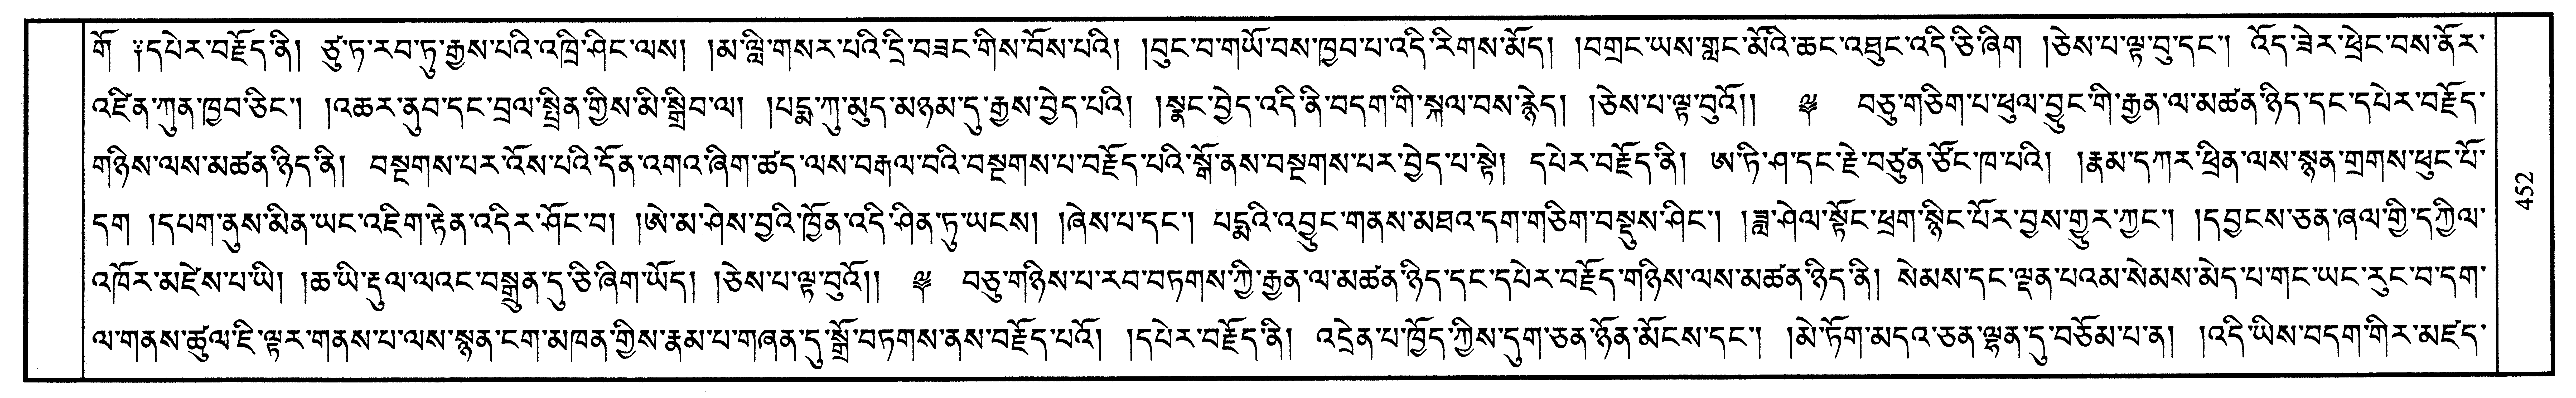གོ ༑དཔེར་བརྗོད་ནི། ཙུ་ཏ་རབ་ཏུ་རྒྱས་པའི་འཁྲི་ཤིང་ལས། །མ་ལླི་གསར་པའི་དྲི་བཟང་གིས་བོས་པའི། །བུང་བ་གཡོ་བས་ཁྱབ་པ་འདི་རིགས་མོད། །བགྲང་ཡས་གླང་མོའི་ཆང་འཐུང་འདི་ཅི་ཞིག །ཅེས་པ་ལྟ་བུ་དང་། འོད་ཟེར་ཕྲེང་བས་ནོར་
འཛིན་ཀུན་ཁྱབ་ཅིང་། །འཆར་ནུབ་དང་བྲལ་སྤྲིན་གྱིས་མི་སྒྲིབ་ལ། །པདམ་ཀུ་མུད་མཉམ་དུ་རྒྱས་བྱེད་པའི། །སྣང་བྱེད་འདི་ནི་བདག་གི་སྐལ་བས་རྙེད། །ཅེས་པ་ལྟ་བུའོ།། ༈ བཅུ་གཅིག་པ་ཕུལ་བྱུང་གི་རྒྱན་ལ་མཚན་ཉིད་དང་དཔེར་བརྗོད་
གཉིས་ལས་མཚན་ཉིད་ནི། བསྔགས་པར་འོས་པའི་དོན་འགའ་ཞིག་ཚད་ལས་བརྒལ་བའི་བསྔགས་པ་བརྗོད་པའི་སྒོ་ནས་བསྔགས་པར་བྱེད་པ་སྟེ། དཔེར་བརྗོད་ནི། ཨ་ཏི་ཤ་དང་རྗེ་བཙུན་ཙོང་ཁ་པའི། །རྣམ་དཀར་ཕྲིན་ལས་སྙན་གྲགས་ཕུང་པོ་
དག །དཔག་ནུས་མིན་ཡང་འཇིག་རྟེན་འདིར་ཤོང་བ། །ཨེ་མ་ཤེས་བྱའི་ཁྱོན་འདི་ཤིན་ཏུ་ཡངས། །ཞེས་པ་དང་། པདམའི་འབྱུང་གནས་མཐའ་དག་གཅིག་བསྡུས་ཤིང་། །ཟླ་ཤེལ་སྟོང་ཕྲག་སྙིང་པོར་བྱས་གྱུར་ཀྱང་། །དབྱངས་ཅན་ཞལ་གྱི་དཀྱིལ་
འཁོར་མཛེས་པ་ཡི། །ཆ་ཡི་རྡུལ་ལའང་བསྒྲུན་དུ་ཅི་ཞིག་ཡོད། །ཅེས་པ་ལྟ་བུའོ།། ༈ བཅུ་གཉིས་པ་རབ་བཏགས་ཀྱི་རྒྱན་ལ་མཚན་ཉིད་དང་དཔེར་བརྗོད་གཉིས་ལས་མཚན་ཉིད་ནི། སེམས་དང་ལྡན་པའམ་སེམས་མེད་པ་གང་ཡང་རུང་བ་དག་
ལ་གནས་ཚུལ་ཇི་ལྟར་གནས་པ་ལས་སྙན་ངག་མཁན་གྱིས་རྣམ་པ་གཞན་དུ་སྒྲོ་བཏགས་ནས་བརྗོད་པའོ། །དཔེར་བརྗོད་ནི། འདྲེན་པ་ཁྱོད་ཀྱིས་དུག་ཅན་ཉོན་མོངས་དང་། །མེ་ཏོག་མདའ་ཅན་ལྷན་དུ་བཅོམ་པ་ན། །འདི་ཡིས་བདག་གིར་མཛད་